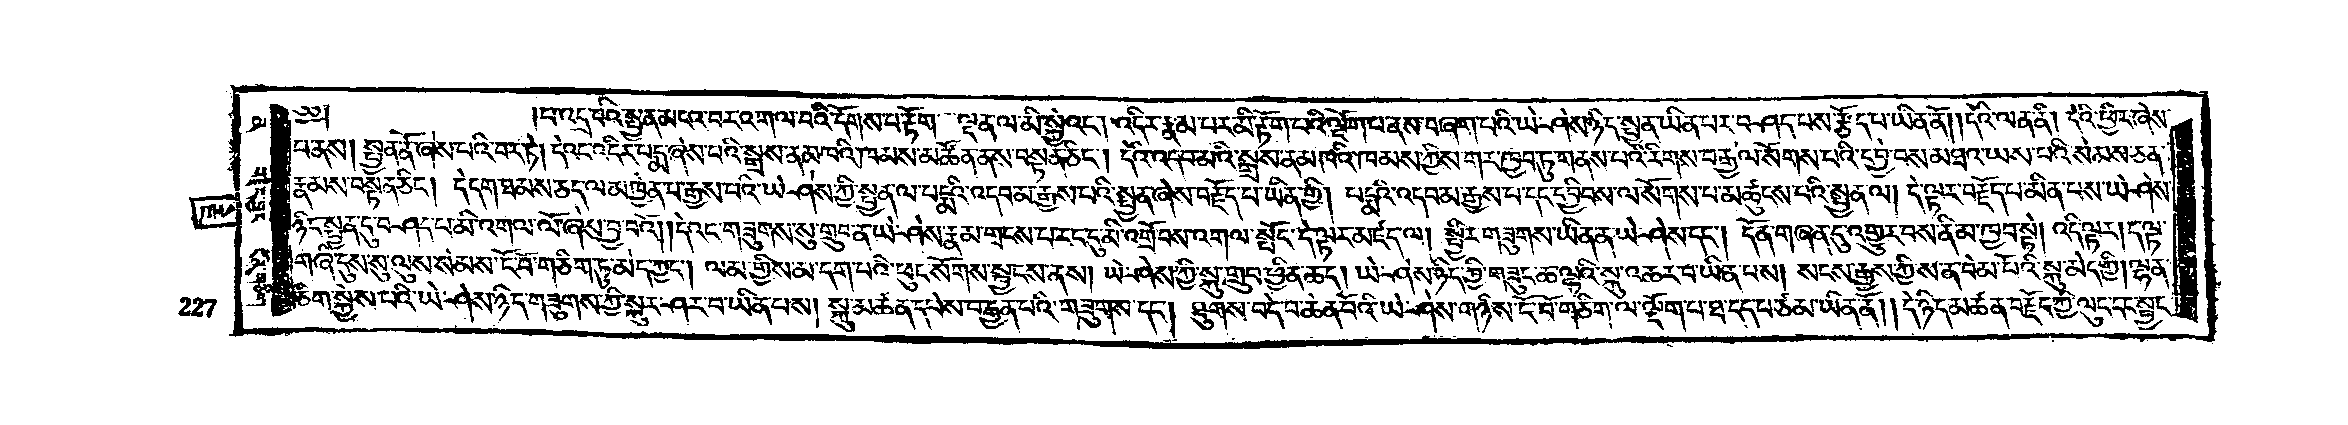༄༅། །པ་འདྲ་བའི་སྤྱན་མངའ་བར་འགལ་བའི་དོགས་པ་རྟོག་ལྡན་ལ་མི་སྐྱེའང་། འདིར་རྣམ་པར་མི་རྟོག་པའི་ལྡོག་པ་ནས་བཞག་པའི་ཡེ་ཤེས་ཉིད་སྤྱན་ཡིན་པར་བཤད་པས་རྩེད་པ་ཡིན་ནོ། །དེའི་ལན་ནི། དེའི་ཕྱིར་ཞེས་
པ་ནས། སྤྱན་ནོ་ཞེས་པའི་བར་ཏེ། དེའང་འདིར་པདམ་ཞེས་པའི་སྒྲས་ནམ་མཁའི་ཁམས་མཚོན་ནས་བསྟན་ཅིང་།དེའི་འདབ་མའི་སྒྲས་ནམ་མཁའི་ཁམས་ཀྱིས་གར་ཁྱབ་ཏུ་གནས་པའི་རིགས་བརྒྱ་ལ་སོགས་པའི་དབྱེ་བས་མཐའ་ཡས་པའི་སེམས་ཅན་
རྣམས་བསྟན་ཅིང་།དེ་དག་ཐམས་ཅད་ལ་མཁྱེན་པ་རྒྱས་པའི་ཡེ་ཤེས་ཀྱི་སྤྱན་ལ་པདམའི་འདབ་མ་རྒྱས་པའི་སྤྱན་ཞེས་བརྗོད་པ་ཡིན་གྱི། པདམའི་འདབ་མ་རྒྱས་པ་དང་དབྱིབས་ལ་སོགས་པ་མཚུངས་པའི་སྤྱན་ལ། དེ་ལྟར་བརྗོད་པ་མིན་པས་ཡེ་ཤེས་
ཉིད་སྤྱན་དུ་བཤད་པ་མི་འགལ་ལོ་ཞེས་བྱ་བའོ། །དེའང་གཟུགས་སུ་གྲུབ་ན་ཡེ་ཤེས་རྣམ་གྲངས་པ་རང་དུ་མི་འགྲོ་བས་འགལ་སྤོང་དེ་ལྟར་མཛད་ལ། སྤྱིར་གཟུགས་ཡིན་ན་ཡེ་ཤེས་དང་།དོན་གཞན་དུ་འགྱུར་བས་ནི་མ་ཁྱབ་སྟེ། འདི་ལྟར། ད་ལྟ་
གཞི་དུས་སུ་ལུས་སེམས་ངོ་བོ་གཅིག་ཏུ་མེད་ཀྱང་།ལམ་གྱིས་མ་དག་པའི་ཕུང་སོགས་སྦྱངས་ནས། ཡེ་ཤེས་ཀྱི་སྐུ་གྲུབ་ཕྱིན་ཆད། ཡེ་ཤེས་ཉིད་ཀྱི་གཟུང་ཆ་ལྷའི་སྐུ་འཆར་བ་ཡིན་པས། སངས་རྒྱས་ཀྱི་ས་ན་བེམ་པོའི་སྐུ་མེད་ཀྱི། ལྷན་
ཅིག་སྐྱེས་པའི་ཡེ་ཤེས་ཉིད་གཟུགས་ཀྱི་སྐུར་ཤར་བ་ཡིན་པས། སྐུ་མཚན་དཔེས་བརྒྱན་པའི་གཟུགས་དང་།ཐུགས་བདེ་བ་ཆེན་པོའི་ཡེ་ཤེས་གཉིས་ངོ་བོ་གཅིག་ལ་ལྡོག་པ་ཐ་དད་པ་ཙམ་ཡིན་ནོ། །དེ་ཉིད་མཚན་བརྗོད་ཀྱི་ལུང་དང་སྦྱར་